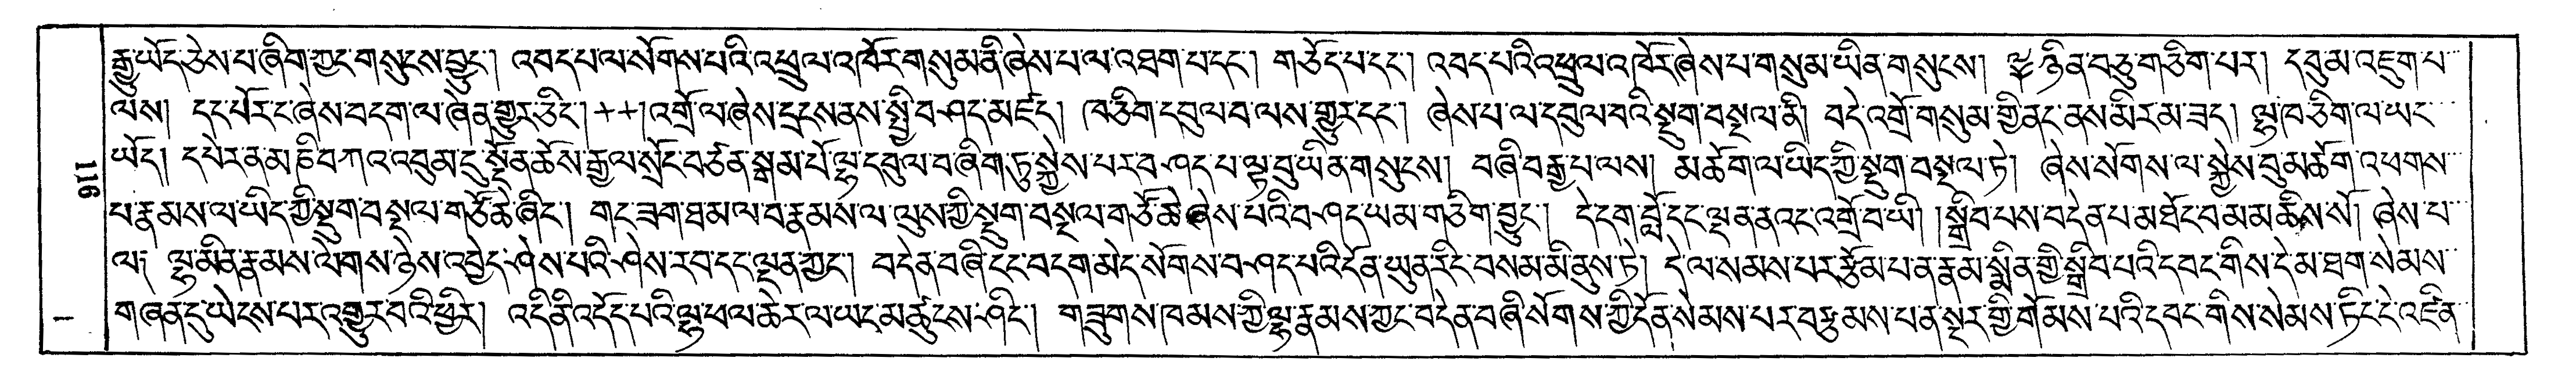རྒྱུ་ཡོད་ཅེས་པ་ཞིག་ཀྱང་གསུངས་བྱུང་། འབད་པ་ལ་སོགས་པའི་འཕྲུལ་འཁོར་གསུམ་ནི་ཞེས་པ་ལ་འཐག་པ་དང་། གཅོད་པ་དང་། འབད་པའི་འཕྲུལ་འཁོར་ཞེས་པ་གསུམ་ཡིན་གསུངས། ༈ ཉིན་བཅུ་གཅིག་པར། དབུ་མ་འཇུག་པ་
ལས། དང་པོར་ང་ཞེས་བདག་ལ་ཞེན་གྱུར་ཅིང་། ྾྾?་།འགྲོ་ལ་ཞེས་དྲངས་ནས་སྤྱི་བཤད་མཛད། ཁ་ཅིག་དབུལ་བ་ལས་གྱུར་དང་། ཞེས་པ་ལ་དབུལ་བའི་སྡུག་བསྔལ་ནི། བདེ་འགྲོ་གསུམ་གྱི་ནང་ནས་མིར་མ་ཟད། ལྷ་ཁ་ཅིག་ལ་ཡང་
ཡོད། དཔེར་ན་མ་ཎི་བཀའ་འབུམ་དུ་སྔོན་ཆོས་རྒྱལ་སྲོང་བཙན་སྒམ་པོ་ལྷ་དབུལ་བ་ཞིག་ཏུ་སྐྱེས་པར་བཤད་པ་ལྟ་བུ་ཡིན་གསུངས། བཞི་བརྒྱ་པ་ལས། མཆོག་ལ་ཡིད་ཀྱི་སྡུག་བསྔལ་ཏེ། ཞེས་སོགས་ལ་སྐྱེས་བུ་མཆོག་འཕགས་
པ་རྣམས་ལ་ཡིད་ཀྱི་སྡུག་བསྔལ་གཙོ་ཆེ་ཞིང་། གང་ཟག་ཐ་མལ་པ་རྣམས་ལ་ལུས་ཀྱི་སྡུག་བསྔལ་གཙོ་ཆེ་ཞེས་པའི་བཤད་ཡམ་གཅིག་བྱུང་། དེ་དག་བློ་དང་ལྡན་ན་འང་འགྲོ་བ་ཡི། །སྒྲིབ་པས་བདེན་པ་ཐོང་བ་མ་མཆིས་སོ། ཞེས་པ་
ལ༑ ལྷ་མིན་རྣམས་ལེགས་ཉེས་འབྱེད་ཤེས་པའི་ཤེས་རབ་དང་ལྡན་ཀྱང་། བདེན་བཞི་དང་བདག་མེད་སོགས་བཤད་པའི་དོན་ཡུན་རིང་བསམ་མི་ནུས་ཏེ། དེ་ལ་སེམས་པར་རྩོམ་པ་ན་རྣམ་སྨིན་གྱི་སྒྲིབ་པའི་དབང་གིས་དེ་མ་ཐག་སེམས་
གཞན་དུ་ཡེངས་པར་འགྱུར་བའི་ཕྱིར། འདི་ནི་འདོད་པའི་ལྷ་ཕལ་ཆེ་རལ་ཡང་མཚུངས་ཤིང་། གཟུགས་ཁམས་ཀྱི་ལྷ་རྣམས་ཀྱང་བདེན་བཞི་སོགས་ཀྱི་དོན་སེམས་པར་བརྩམས་པ་ན་སྔར་གྱི་གོམས་པའི་དབང་གིས་སེམས་ཏིང་ངེ་འཛིན་